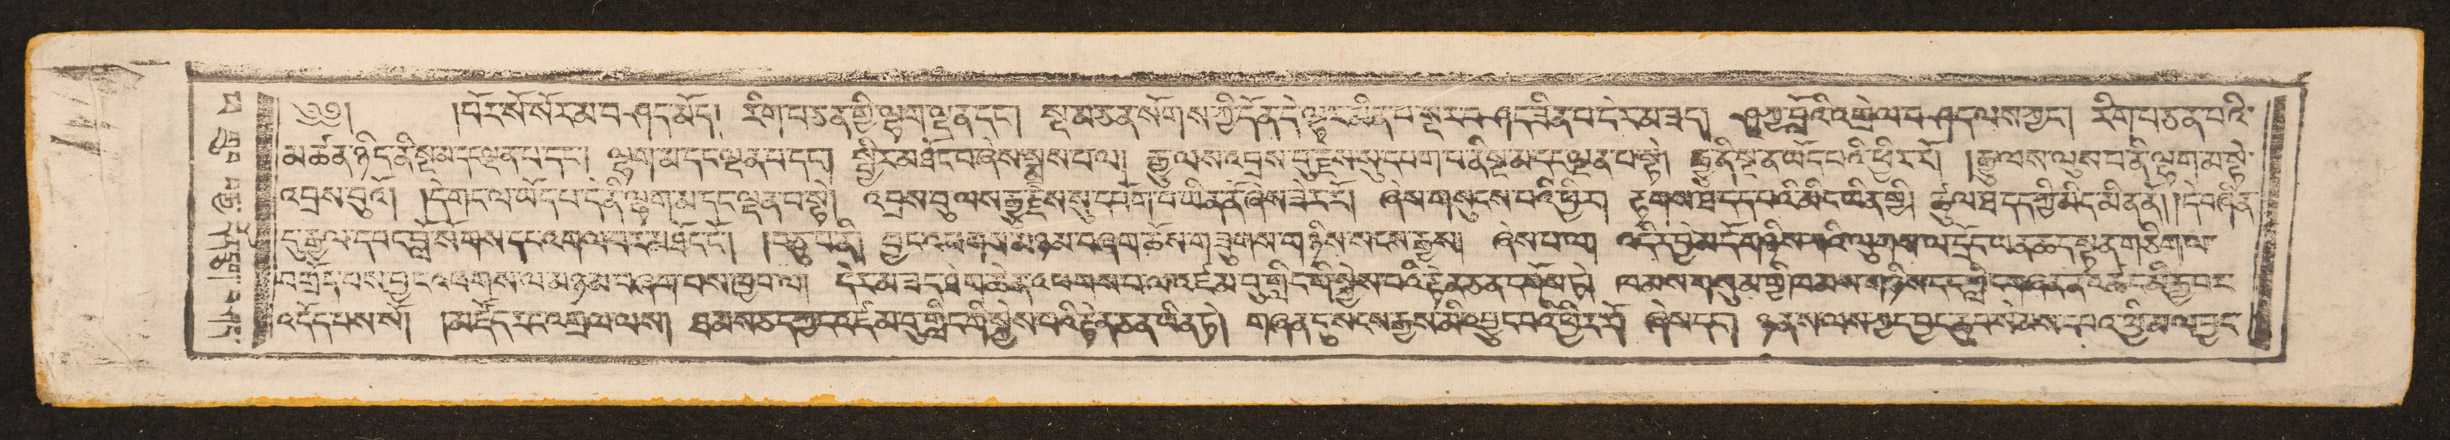༄༅། །པོར་སོ་སོར་མ་བཤད་མོད། རིག་པ་ཅན་གྱི་ལྷག་ལྡན་དང་། སྔ་མ་ཅན་སོགས་ཀྱི་དོན་དེ་ལྟར་མིན་པ་སྔར་བཤད་ཟིན་པ་ངེར་མ་ཟད། ཤཱཀྱ་བློའི་འགྲེལ་བཤད་ལས་ཀྱང་། རིག་པ་ཅན་པའི་
མཚན་ཉིད་ནི་སྔ་མ་དང་ལྡན་པ་དང་། ལྷག་མ་དང་ལྡན་པ་དང་། སྤྱིར་མཐོང་བ་ཞེས་སྨྲས་པ་ལ། རྒྱུ་ལས་འབྲས་བུ་རྗེས་སུ་དཔག་པ་ནི་སྔ་མ་དང་ལྡན་པ་སྟེ། རྒྱུ་ནི་སྔ་ན་ཡོད་པའི་ཕྱིར་རོ། །རྒྱུ་ལས་ལུས་པ་ནི་ལྷག་མ་སྟེ་
འབྲས་བུའོ། །དེ་གང་ལ་ཡོད་པ་དེ་ནི་ལྷག་མ་དང་ལྡན་པ་སྟེ། འབྲས་བུ་ལས་རྒྱུ་རྗེས་སུ་དཔོག་པ་ཡིན་ནོ་ཞེས་ཟེར་རོ། ཞེས་གསུངས་པའི་ཕྱིར། རྟགས་ཐ་དད་པའི་མིང་ཡིན་གྱི། ཚུལ་ཐ་དད་ཀྱི་མིང་མིན་ནོ། །དེ་བཞིན་
དུ་རྒྱལ་དབང་བློ་སོགས་དང་འགལ་བར་མཐོང་ངོ། །བཅུ་པ་ནི། བྱང་འཕགས་མཉམ་བཞག་ཆོས་གཟུགས་གཉིས་སངས་རྒྱས། ཞེས་པ་ལ། འདིར་བྱེ་མདོ་གཉིས་ཀའི་ལུགས་ལ་དྲོང་ཡན་ཆད་སྟན་གཅིག་ལ་
བགྲོད་པས་བྱང་འཕགས་ལ་མཉམ་བཞག་པས་ཁྱབ་ལ། དེར་མ་ཟད་ཐེག་ཆེན་འཕགས་པ་ལ་འཛམ་བུ་གླིང་གི་སྐྱེས་པའི་རྟེན་ཅན་དགོས་ཏེ། ཁམས་གསུམ་གྱི་ཁམས་གཉིས་དང་གླིང་གཞན་ན་འཚང་མི་རྒྱ་བར་
འདོད་པས་སོ། །མཛོད་རང་འགྲེལ་ལས། ཐམས་ཅད་ཀྱང་འཛམ་བུ་གླིང་གི་སྐྱེས་པའི་རྟེན་ཅན་ཡིན་ཏེ། གཞན་དུ་སངས་རྒྱས་མི་འབྱུང་བའི་ཕྱིར་རོ། ཞེས་དང་། ཉ་ནས་ལས་ཀྱང་བྱང་ཆུབ་སེམས་དཔའ་ཕྱི་མ་ལ་བྱང་